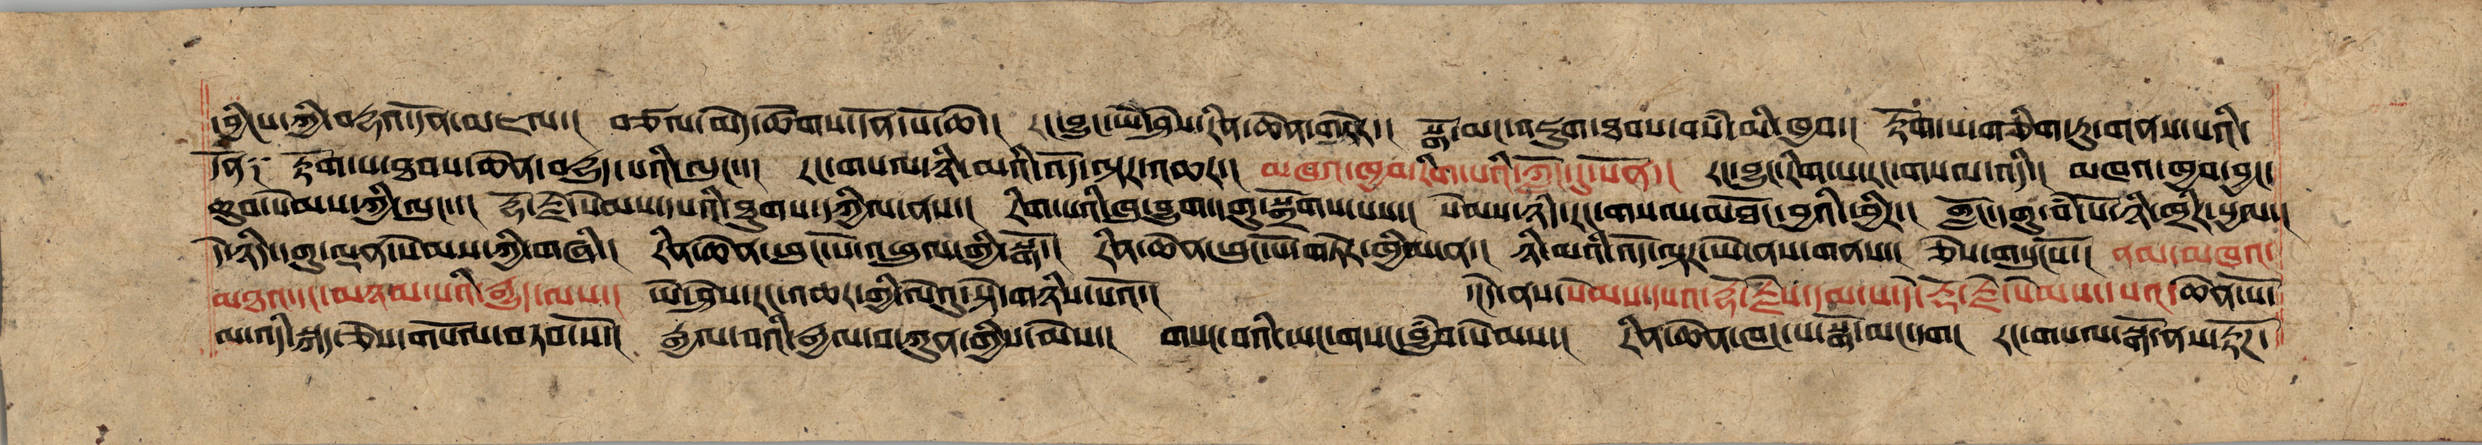དབྱིངས་ཀྱི་བརྡའ་དོན་མཇལ་། བཙལ་མེད་ཚོགས་དོན་པོ་ཆེ་། རང་བྱུང་ཡེ་ཤེས་རིན་ཆེན་གཏེར་། སྒོ་མང་འཇུག་ཐབས་བསཾ་མི་ཁྱབ་། རྟོག་པ་གཅིག་ཏུ་གནས་པའི་
དོན༑ རྟོག་པ་ཐབས་ཆེན་བདྱུད་པའི་ལུང་་། རང་གསལ་ཉི་མའི་འོད་ལྟར་འཆར་། མཁའ་ཁྱབ་རིག་པའི་ཀློང་དུ་སོན་། རང་བྱུང་རིག་པ་རང་གསལ་འདི་། མཁའ་ཁྱབ་བྱང་
ཆུབ་སེམས་ཀྱི་ལུང་་། རྡོ་རྗེ་སེམས་དཔའི་ཐུགས་དཀྱིལ་ནས་། རིག་པའི་ཁུ་བྱུག་དགུ་སྒྲོགས་པས་། སེམས་ཉིད་རང་གསལ་མཐོང་བྱའི་ཕྱིར་། གློང་དགུ་བཾ་སོ་ཉི་ཁྲིར་སྱལ་།
དེ་ཉིད་དགུ་ལྡན་སེམས་ཀྱི་གཞི་། རིན་ཆེན་ཕུང་པོ་འཕྲུལ་གྱི་སྒོ་། རིན་ཆེན་ཕུང་པོ་གཏོར་ཁྱིམ་ན་། ཉི་མའི་འོད་ལྟར་ཡེ་ནས་གནས་། ཅེས་གསུངསོ་། ནམ་མཁའ་
མཐའ་དང་མཉམ་པའི་རྒྱུད་ལས་། ཡེ་ཤེས་རང་འཆར་གྱི་ལེའུ་སྟེ་གཉིས་པའོ་། ་།དེ་ནས་སེམས་དཔའ་རྡོ་རྗེས་དམ་པ་དེ་རྡོ་རྗེ་སེམས་དཔའ་ཆེན་པོ་
མ་འདི་སྐད་ཅེས་གསོལ་བཏབ་སོ་། རྒྱལ་བའི་རྒྱལ་བ་ཀུན་གྱིས་མེས་། གསང་བའི་ཡང་གསང་བྱུཾབ་སེམས་། རིན་ཆེན་ཁང་པ་སྒོ་མང་དག། རང་གསལ་སྒོ་ནས་རྟོཌ་